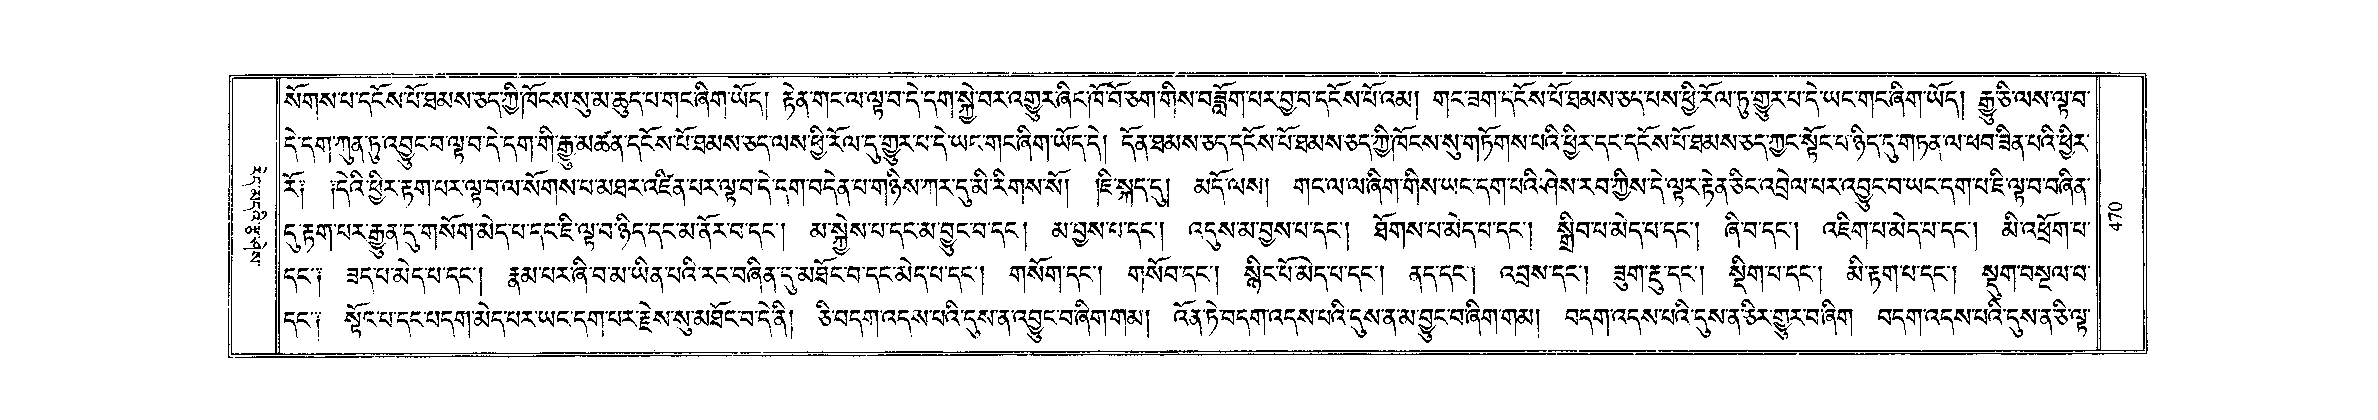སོགས་པ་དངོས་པོ་ཐམས་ཅད་ཀྱི་ཁོངས་སུ་མ་ཆུད་པ་གང་ཞིག་ཡོད། རྟེན་གང་ལ་ལྟ་བ་དེ་དག་སྐྱེ་བར་འགྱུར་ཞིང་ཁོ་བོ་ཅག་གིས་བཟློག་པར་བྱ་བ་དངོས་པོ་འམ། གང་ཟག་དངོས་པོ་ཐམས་ཅད་པས་ཕྱི་རོལ་ཏུ་གྱུར་པ་དེ་ཡང་གང་ཞིག་ཡོད། རྒྱུ་ཅི་ལས་ལྟ་བ་
དེ་དག་ཀུན་ཏུ་འབྱུང་བ་ལྟ་བ་དེ་དག་གི་རྒྱུ་མཚན་དངོས་པོ་ཐམས་ཅད་ལས་ཕྱི་རོལ་དུ་གྱུར་པ་དེ་ཡང་གང་ཞིག་ཡོད་དེ། དོན་ཐམས་ཅད་དངོས་པོ་ཐམས་ཅད་ཀྱི་ཁོངས་སུ་གཏོགས་པའི་ཕྱིར་དང་དངོས་པོ་ཐམས་ཅད་ཀྱང་སྟོང་པ་ཉིད་དུ་གཏན་ལ་ཕབ་ཟིན་པའི་ཕྱིར་
རོ༑ ༑དེའི་ཕྱིར་རྟག་པར་ལྟ་བ་ལ་སོགས་པ་མཐར་འཛིན་པར་ལྟ་བ་དེ་དག་བདེན་པ་གཉིས་ཀར་དུ་མི་རིགས་སོ། །ཇི་སྐད་དུ། མདོ་ལས། གང་ལ་ལ་ཞིག་གིས་ཡང་དག་པའི་ཤེས་རབ་ཀྱིས་དེ་ལྟར་རྟེན་ཅིང་འབྲེལ་པར་འབྱུང་བ་ཡང་དག་པ་ཇི་ལྟ་བ་བཞིན་
དུ་རྟག་པར་རྒྱུན་དུ་གསོག་མེད་པ་དང་ཇི་ལྟ་བ་ཉིད་དང་མ་ནོར་བ་དང་། མ་སྐྱེས་པ་དང་མ་བྱུང་བ་དང་། མ་བྱས་པ་དང་། འདུས་མ་བྱས་པ་དང་། ཐོགས་པ་མེད་པ་དང་། སྒྲིབ་པ་མེད་པ་དང་། ཞི་བ་དང་། འཇིག་པ་མེད་པ་དང་། མི་འཕྲོག་པ་
དང༑ ཟད་པ་མེད་པ་དང་། རྣམ་པར་ཞི་བ་མ་ཡིན་པའི་རང་བཞིན་དུ་མཐོང་བ་དང་མེད་པ་དང་། གསོག་དང་། གསོབ་དང་། སྙིང་པོ་མེད་པ་དང་། ནད་དང་། འབྲས་དང་། ཟུག་རྡུ་དང་། སྡིག་པ་དང་། མི་རྟག་པ་དང་། སྡུག་བསྔལ་བ་
དང༑ སྟོང་པ་དང་བདག་མེད་པར་ཡང་དག་པར་རྗེས་སུ་མཐོང་བ་དེ་ནི། ཅི་བདག་འདས་པའི་དུས་ན་འབྱུང་བ་ཞིག་གམ། འོན་ཏེ་བདག་འདས་པའི་དུས་ན་མ་བྱུང་བ་ཞིག་གམ། བདག་འདས་པའི་དུས་ན་ཅིར་གྱུར་བ་ཞིག་བདག་འདས་པའི་དུས་ན་ཅི་ལྟ་